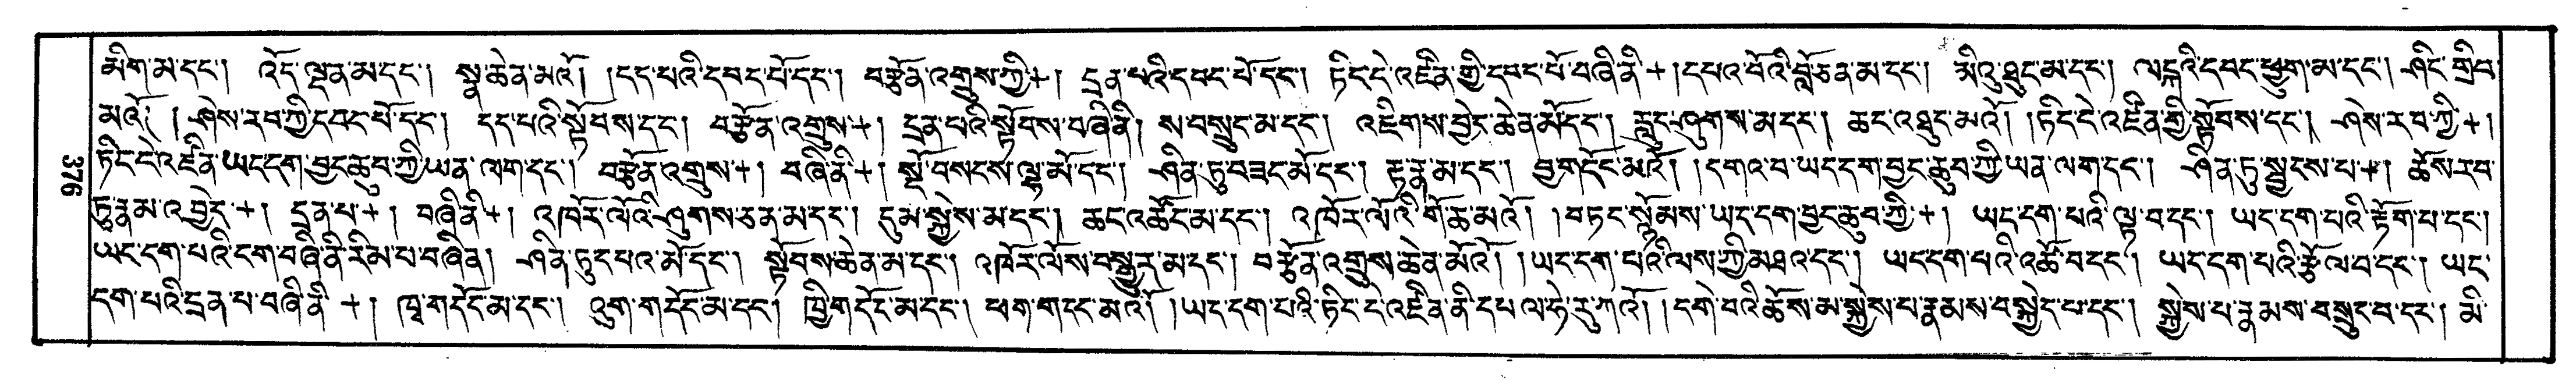མིག་མ་དང་། འོད་ལྡན་མ་དང་། སྣ་ཆེན་མའོ། །དད་བའི་དབང་པོ་དང་། བརྩོན་འགྲུས་ཀྱི་+། དྲན་པའི་དབང་པོ་དང་། ཏིང་ངེ་འཛིན་གྱི་དབང་པོ་བཞི་ནི་+། དཔའ་བོའི་བློ་ཅན་མ་དང་། མིའུ་ཐུང་མ་དང་། ལངྐའི་དབང་ཕྱུག་མ་དང་། ཤིང་གྲིབ་
མའོ༑ །ཤེས་རབ་ཀྱི་དབང་པོ་དང་། དད་པའི་སྟོབས་དང་། བརྩོན་འགྲུས་+། དྲན་པའི་སྟོབས་བཞི་ནི། ས་བསྲུང་མ་དང་། འཇིགས་བྱེད་ཆེན་མོ་དང་། རླུང་ཤུགས་མ་དང་། ཆང་འཐུང་མའོ། །ཏིང་ངེ་འཛིན་གྱིས་སྟོབས་དང་། ཤེས་རབ་ཀྱི་+།
ཏིང་ངེ་འཛིན་ཡང་དག་བྱང་ཆུབ་ཀྱི་ཡན་ལག་དང་། བརྩོན་འགྲུས་+། བཞི་ནི་+། སྔོ་བསངས་ལྷ་མོ་དང་། ཤིན་ཏུ་བཟང་མོ་དང་། རྟ་རྣམ་དང་། བྱ་གདོང་མའོ། །དགའ་བ་ཡང་དག་བྱང་ཆུབ་ཀྱི་ཡན་ལག་དང་། ཤིན་ཏུ་སྦྱངས་པ་+། ཆོས་རབ་
ཏུ་རྣམ་འབྱེད་+། དྲན་པ་+། བཞི་ནི་+། འཁོར་ལོའི་ཤུགས་ཅན་མ་དང་། དུམ་སྐྱེས་མ་དང་། ཆང་འཚོང་མ་དང་། འཁོར་ལོའི་གོ་ཆ་མའོ། །བཏང་སྙོམས་ཡང་དག་བྱང་ཆུབ་ཀྱི་+། ཡང་དག་པའི་ལྟ་བ་དང་། ཡང་དག་པའི་རྟོག་པ་དང་།
ཡང་དག་པའི་ངག་བཞི་ནི་རིམ་པ་བཞིན། ཤིན་ཏུ་དཔའ་མོ་དང་། སྟོབས་ཆེན་མ་དང་། འཁོར་ལོས་བསྒྱུར་མ་དང་། བརྩོན་འགྲུས་ཆེན་མོའོ། །ཡང་དག་པའི་ལས་ཀྱི་མཐའ་དང་། ཡང་དག་པའི་འཚོ་བ་དང་། ཡང་དག་པའི་རྩོལ་བ་དང་། ཡང་
དག་པའི་དྲན་པ་བཞི་ནི་+། ཁྲ་གདོང་མ་དང་། འུག་གདོང་མ་དང་། ཁྱི་གདོང་མ་དང་། ཕག་གདོང་མའོ། །ཡང་དག་བའི་ཏིང་ངེ་འཛིན་ནི་དཔལ་ཧེ་རུ་ཀའོ། །དགེ་བའི་ཆོས་མ་སྐྱེས་པ་རྣམས་བསྐྱེད་པ་དང་། སྐྱེས་པ་རྣམས་བསྲུང་བ་དང་། མི་